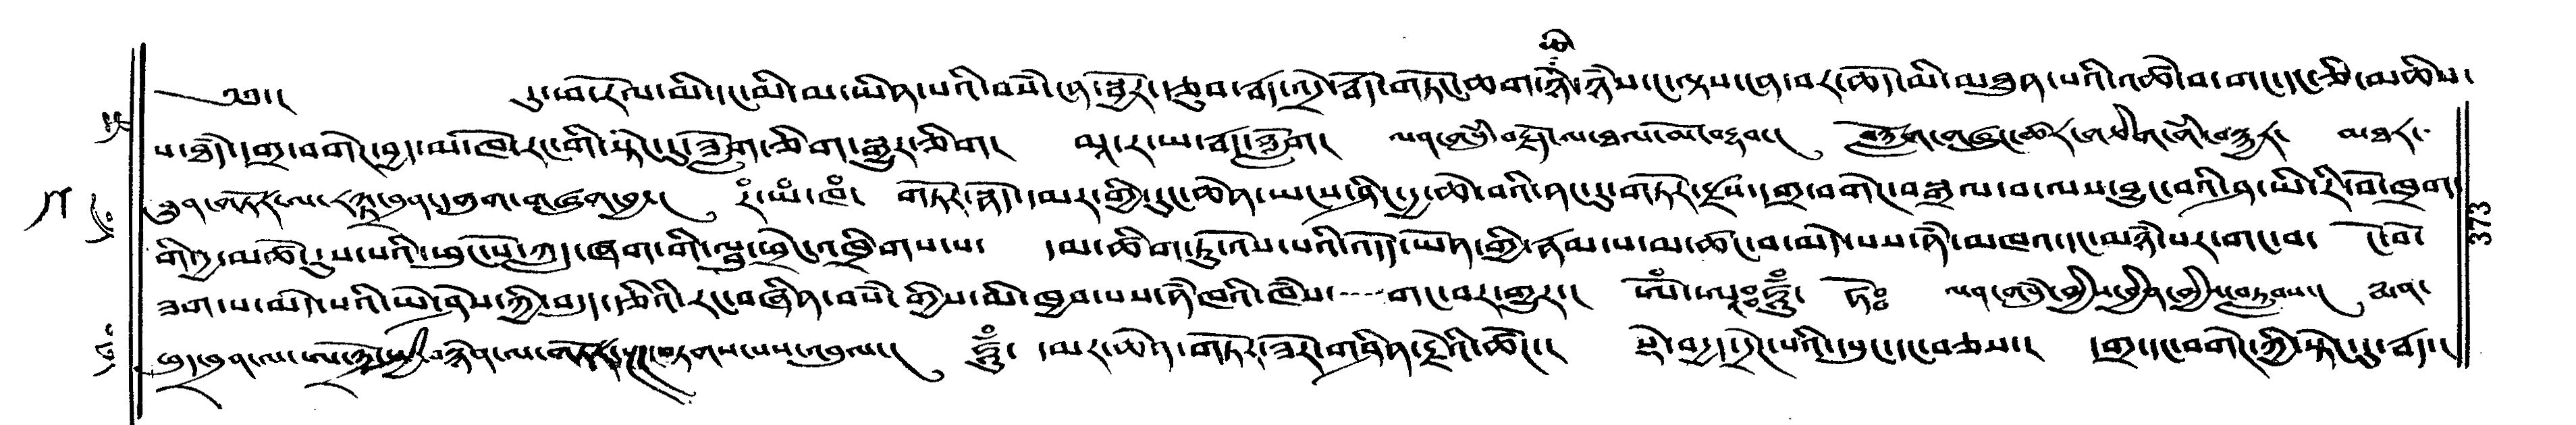དུ་ཕ་རོལ་མི་དང་མི་མ་ཡིན་པའི་བསམ་ངན་སྦྱོར་རྩུབ་རྦད་འདྲེ་རྦོད་གཏོང་ཆག་ཆེ་ཉམ་ང་ལྟས་ངན་བར་ཆད་མི་མཐུན་པའི་འཚེ་བ་གང་དང་ཅི་མཆིས་
པ་ཐམས་ཅད་དགྲ་བགེགས་བྱད་མ་ཁོ་རང་གི་སྟེང་དུ་ཟློགས་ཤིག་སྒྱུར་ཅིག མཱ་ར་ཡ་རྦད་ཟློག ལན་གསུམ་བརྗོད་ལ་ཐལ་མོ་བརྡབ། བཟློག་གཞུང་ཚར་གཅིག་ཙམ་བསྐྱར། མཐར་
ཐུན་གཏོར་ལ་རཀྟ་བྲན། དགུག་གཞུག་བྱ། རྃ་ཡྃ་ཁྃ། གཏོར་སྣོད་དམར་གྱི་དུང་ཆེན་ཡངས་ཤིང་རྒྱ་ཆེ་བའི་ནང་དུ་གཏོར་རྫས་དགྲ་བགེགས་བསྒྲལ་བ་ལས་བྱུང་བའི་ཤ་ཡི་རི་བོ། ཁྲག་
གི་རྒྱ་མཚོ། རུས་པའི་ཕུང་པོ་ཀླད་ཞག་གི་ལྦུ་ཕྲེང་འཁྲིགས་པ། དམ་ཚིག་ཏུ་འོས་པའི་འདོད་ཡོན་གྱི་རྣམ་པ་མ་ཚང་བ་མེད་པས་ནམ་མཁའ་དང་མཉམ་པར་གང་བ། ངོ་བོ་
ཟག་པ་མེད་པའི་ཡེ་ཤེས་ཀྱི་བདུད་རྩིའི་རང་བཞིན་བསམ་གྱིས་མི་ཁྱབ་པས་ནམ་མཁའི་ཁམས་གང་བར་གྱུར། ཨོཾ་ཨཱཿཧཱུྃ་ཧོཿ ལན་གསུམ་གྱིས་བྱིན་གྱིས་བརླབ། སྨན་
ཕུད་བྲན་ལ་ཨ་ཀྲོ་སོགས་སྤྱི་བསྙེན་ལ་གཏོར་སྔགས་བཏགས་པས་འབུལ། ཧཱུྃ། དམར་ཆེན་གཏོར་ཟོར་གཤིན་རྗེའི་ཚོགས། །སྡེ་བརྒྱད་དྲེགས་པའི་དཔུང་དང་བཅས། དགྲ་དང་བགེགས་ཀྱི་སྟེང་དུ་རྦད།